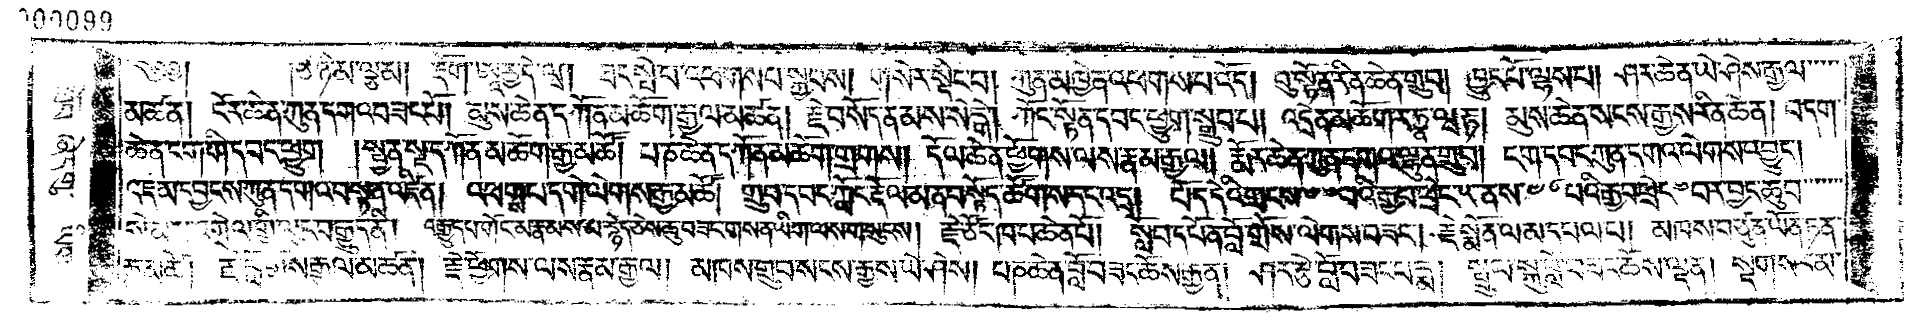༄༅། །ཙ་ཉི་མ་ལྕམ། རྡོག་ཨཱརྱ་དེ་ལྭ། ཐང་སྤེ་པ་འཕགས་པ་སྐྱབས། གསེར་སྡིང་བ། ཀུན་མཁྱེན་འཕགས་པ་འོད། བུ་སྟོན་རིན་ཆེན་གྲུབ། ཁྱུང་པོ་ལྷས་པ། ཤར་ཆེན་ཡེ་ཤེས་རྒྱལ་
མཚན། ངོར་ཆེན་ཀུན་དགའ་བཟང་པོ། མུས་ཆེན་དཀོན་མཆོག་རྒྱལ་མཚན། རྗེ་བསོད་ནམས་སེངྒེ། ཀོང་སྟོན་དབང་ཕྱུག་སྒྲུབ་པ། འདྲེན་མཆོག་རཏྣ་ལྭརྟ། མུས་ཆེན་སངས་རྒྱས་རིན་ཆེན། བདག་
ཆེན་ངག་གི་དབང་ཕྱུག །སྤྱན་སྔ་དཀོན་མཆོག་རྒྱ་མཚོ། པཎ་ཆེན་དཀོན་མཆོག་གྲགས། དོལ་ཆེན་ཕྱོགས་ལས་རྣམ་རྒྱལ། རྨོར་ཆེན་ཀུན་དགའ་ལྷུན་གྲུབ། ངག་དབང་ཀུན་དགའ་ལེགས་འབྱུང་།
འཇམ་དབྱངས་ཀུན་དགའ་བསྟན་འཛིན། འཕགས་པ་དགེ་ལེགས་རྒྱ་མཚོ། གྲུབ་དབང་ཀློང་རྡོལ་མན་བསྟོད་ཚོགས་དང་འདྲ། པོད་དེའི་གྲངས ༤་པའི་རྒྱབ་ཕྲེང ༥་ནས ༦༩་པའི་རྒྱབ་ཕྲེང ༩་བར་བྱང་ཆུབ་
སེམས་འགྲེལ་གྱི་ལུང་བརྒྱུད་ནི། འྲྒྱུད་པ་གོང་མ་རྣམས་མ་རྙེད་ཅེས་ཆུ་བཟང་གསན་ཡིག་ལས་གསུངས།  རྗེ་ཙོང་ཁ་པ་ཆེན་པོ། སློབ་དཔོན་བློ་གྲོས་ལེགས་བཟང་། རྗེ་སྨོན་ལམ་དཔལ་པ། མཁས་བཙུན་ཡོན་ཏན་
རྒྱ་མཚོ། རྗེ་བློ་གྲོས་རྒྱལ་མཚན། རྗེ་ཕྱོགས་ལས་རྣམ་རྒྱལ། མཁས་གྲུབ་སངས་རྒྱས་ཡེ་ཤེས། པཎ་ཆེན་བློ་བཟང་ཆོས་རྒྱན། ཤར་རྩེ་བློ་བཟང་པདམ། སྤྲུལ་སྐུ་བློ་བཟང་ཆོས་ལྡན། སྔགས་རམ་